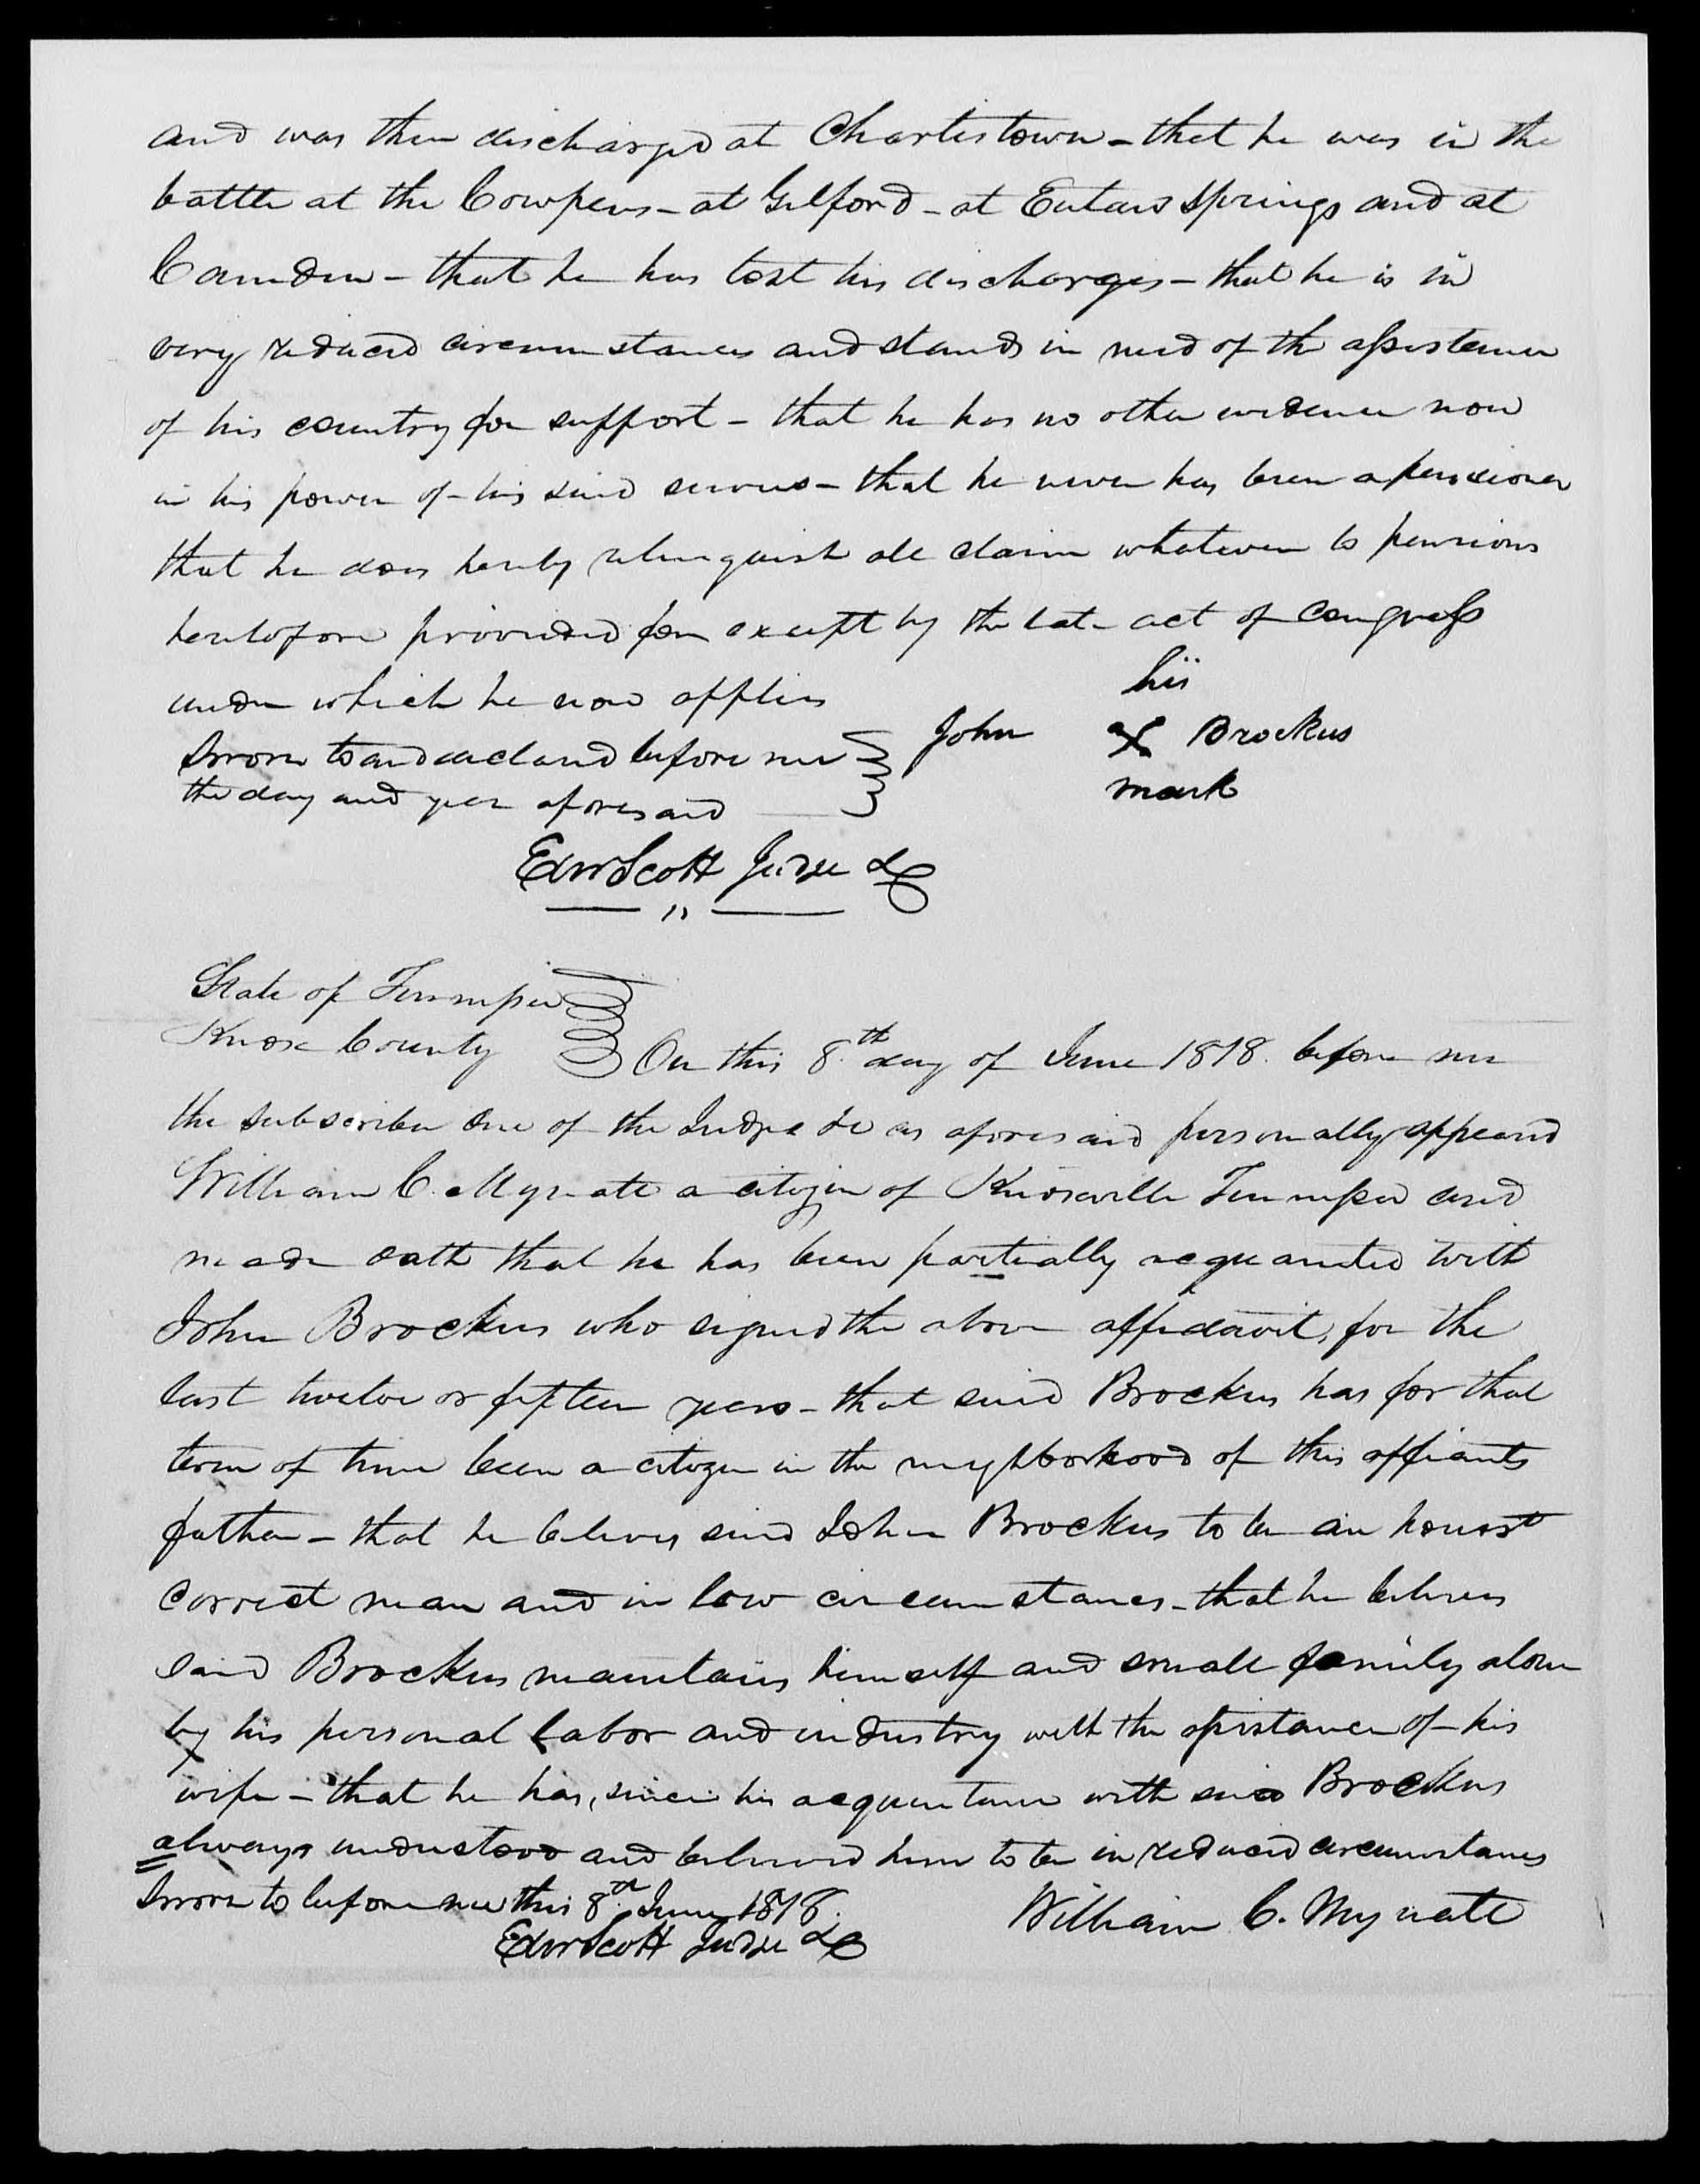and was then discharged at Charlestown - that he was in the battle at the Cowpens - at Guilford - at Eutaw Springs and at Camden -  that he has lost his discharges - that he is in very reduced circumstances and stands in need of the assistance of his country for support - that he has no other evidence now in his power of his of his said services - that he were [illegible] that he does hereby relinquish all claim whatever to pension heretofore provided for except by the late act of Congress under which he now affirms from to and [illegible] before now the day and year aforesaid Edward Scott [illegible]
his
John x Brockus
mark
State of Tennessee
Knox County
On this 8th day of June 1818 before me the subscriber one of the Judges to an aforesaid and personally appeared William C Mynatt a citizen of Johnsonville Tennessee [illegible] made oath that he has been partially acquainted with John Brockus who repaired the above [illegible] for the last twelve or fifteen years - that said Brockus has for that term of time been a citizen in the neighborhood of this [illegible] father - that he believes said John Brockus to be an honest correct man and in law [illegible] - that he believes said Brockus maintains himself and small family alone by his personal labor and industry with the assistance of his wife - that he has made his acquaintance with said Brockus always understood and believed him to be in [illegible] heretofore on this 8th June 1818
Edw Scott [illegible] William C Mynatt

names: Brockus, Brockus, William C Mynatt, Edw Scott, John Brockus, Edw Scott, William C Mynatt, John Brockus, Brockus, John Brockus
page: 5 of 19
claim: survivor's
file: S. 39,224, John Brockus, Va.